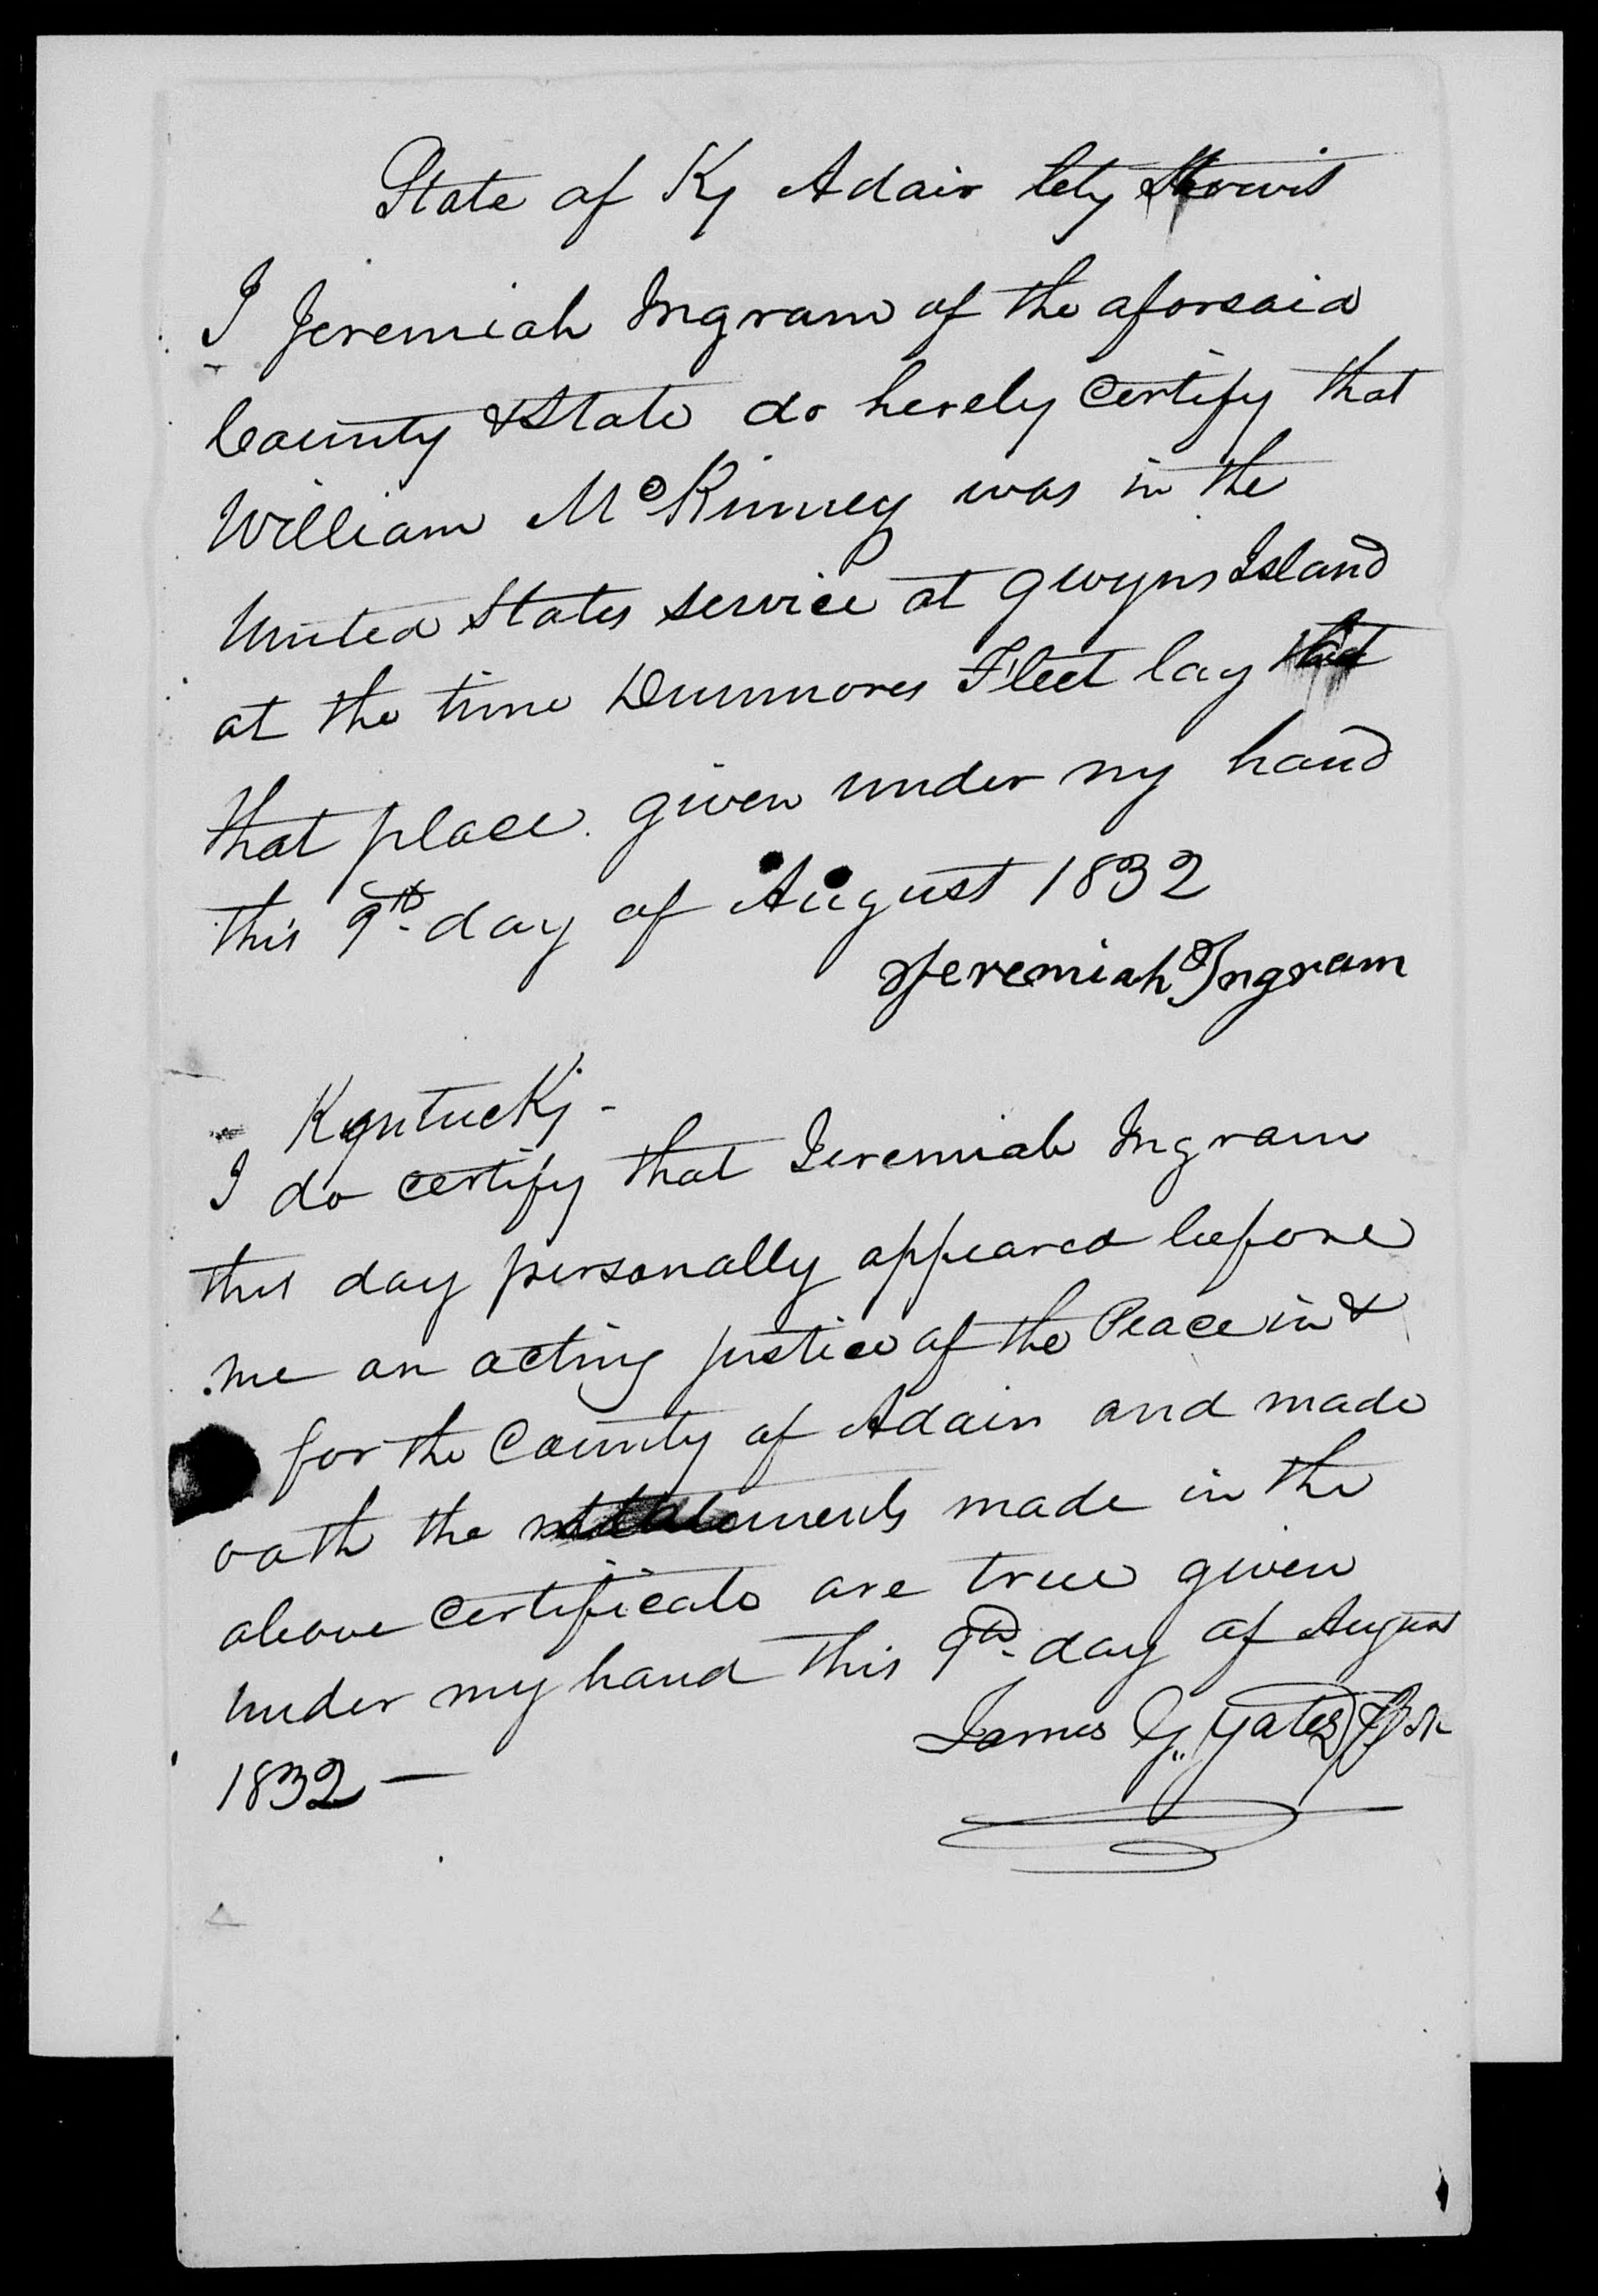State of Ky. Adair Cty Affadavit

I Jeremiah Ingram of the aforesaid County & state do hereby certify that William McKinney was in the United States service at Gwyns Island at the time Dunmores Fleet lay at that place given under my hand this 9th day of August 1832
Jeremiah Ingram
Kentucky
I do certify that Jeremiah Ingram this day personally appeared before me an acting justice of the Peace in & for the County of Adair and made oath the statements made in the above certified are true given under my hand this 9th day of August 1832- James G. Yates JP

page: 14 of 28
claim: survivor's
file: S. 16,470, for William Mc Kinney, Georgia